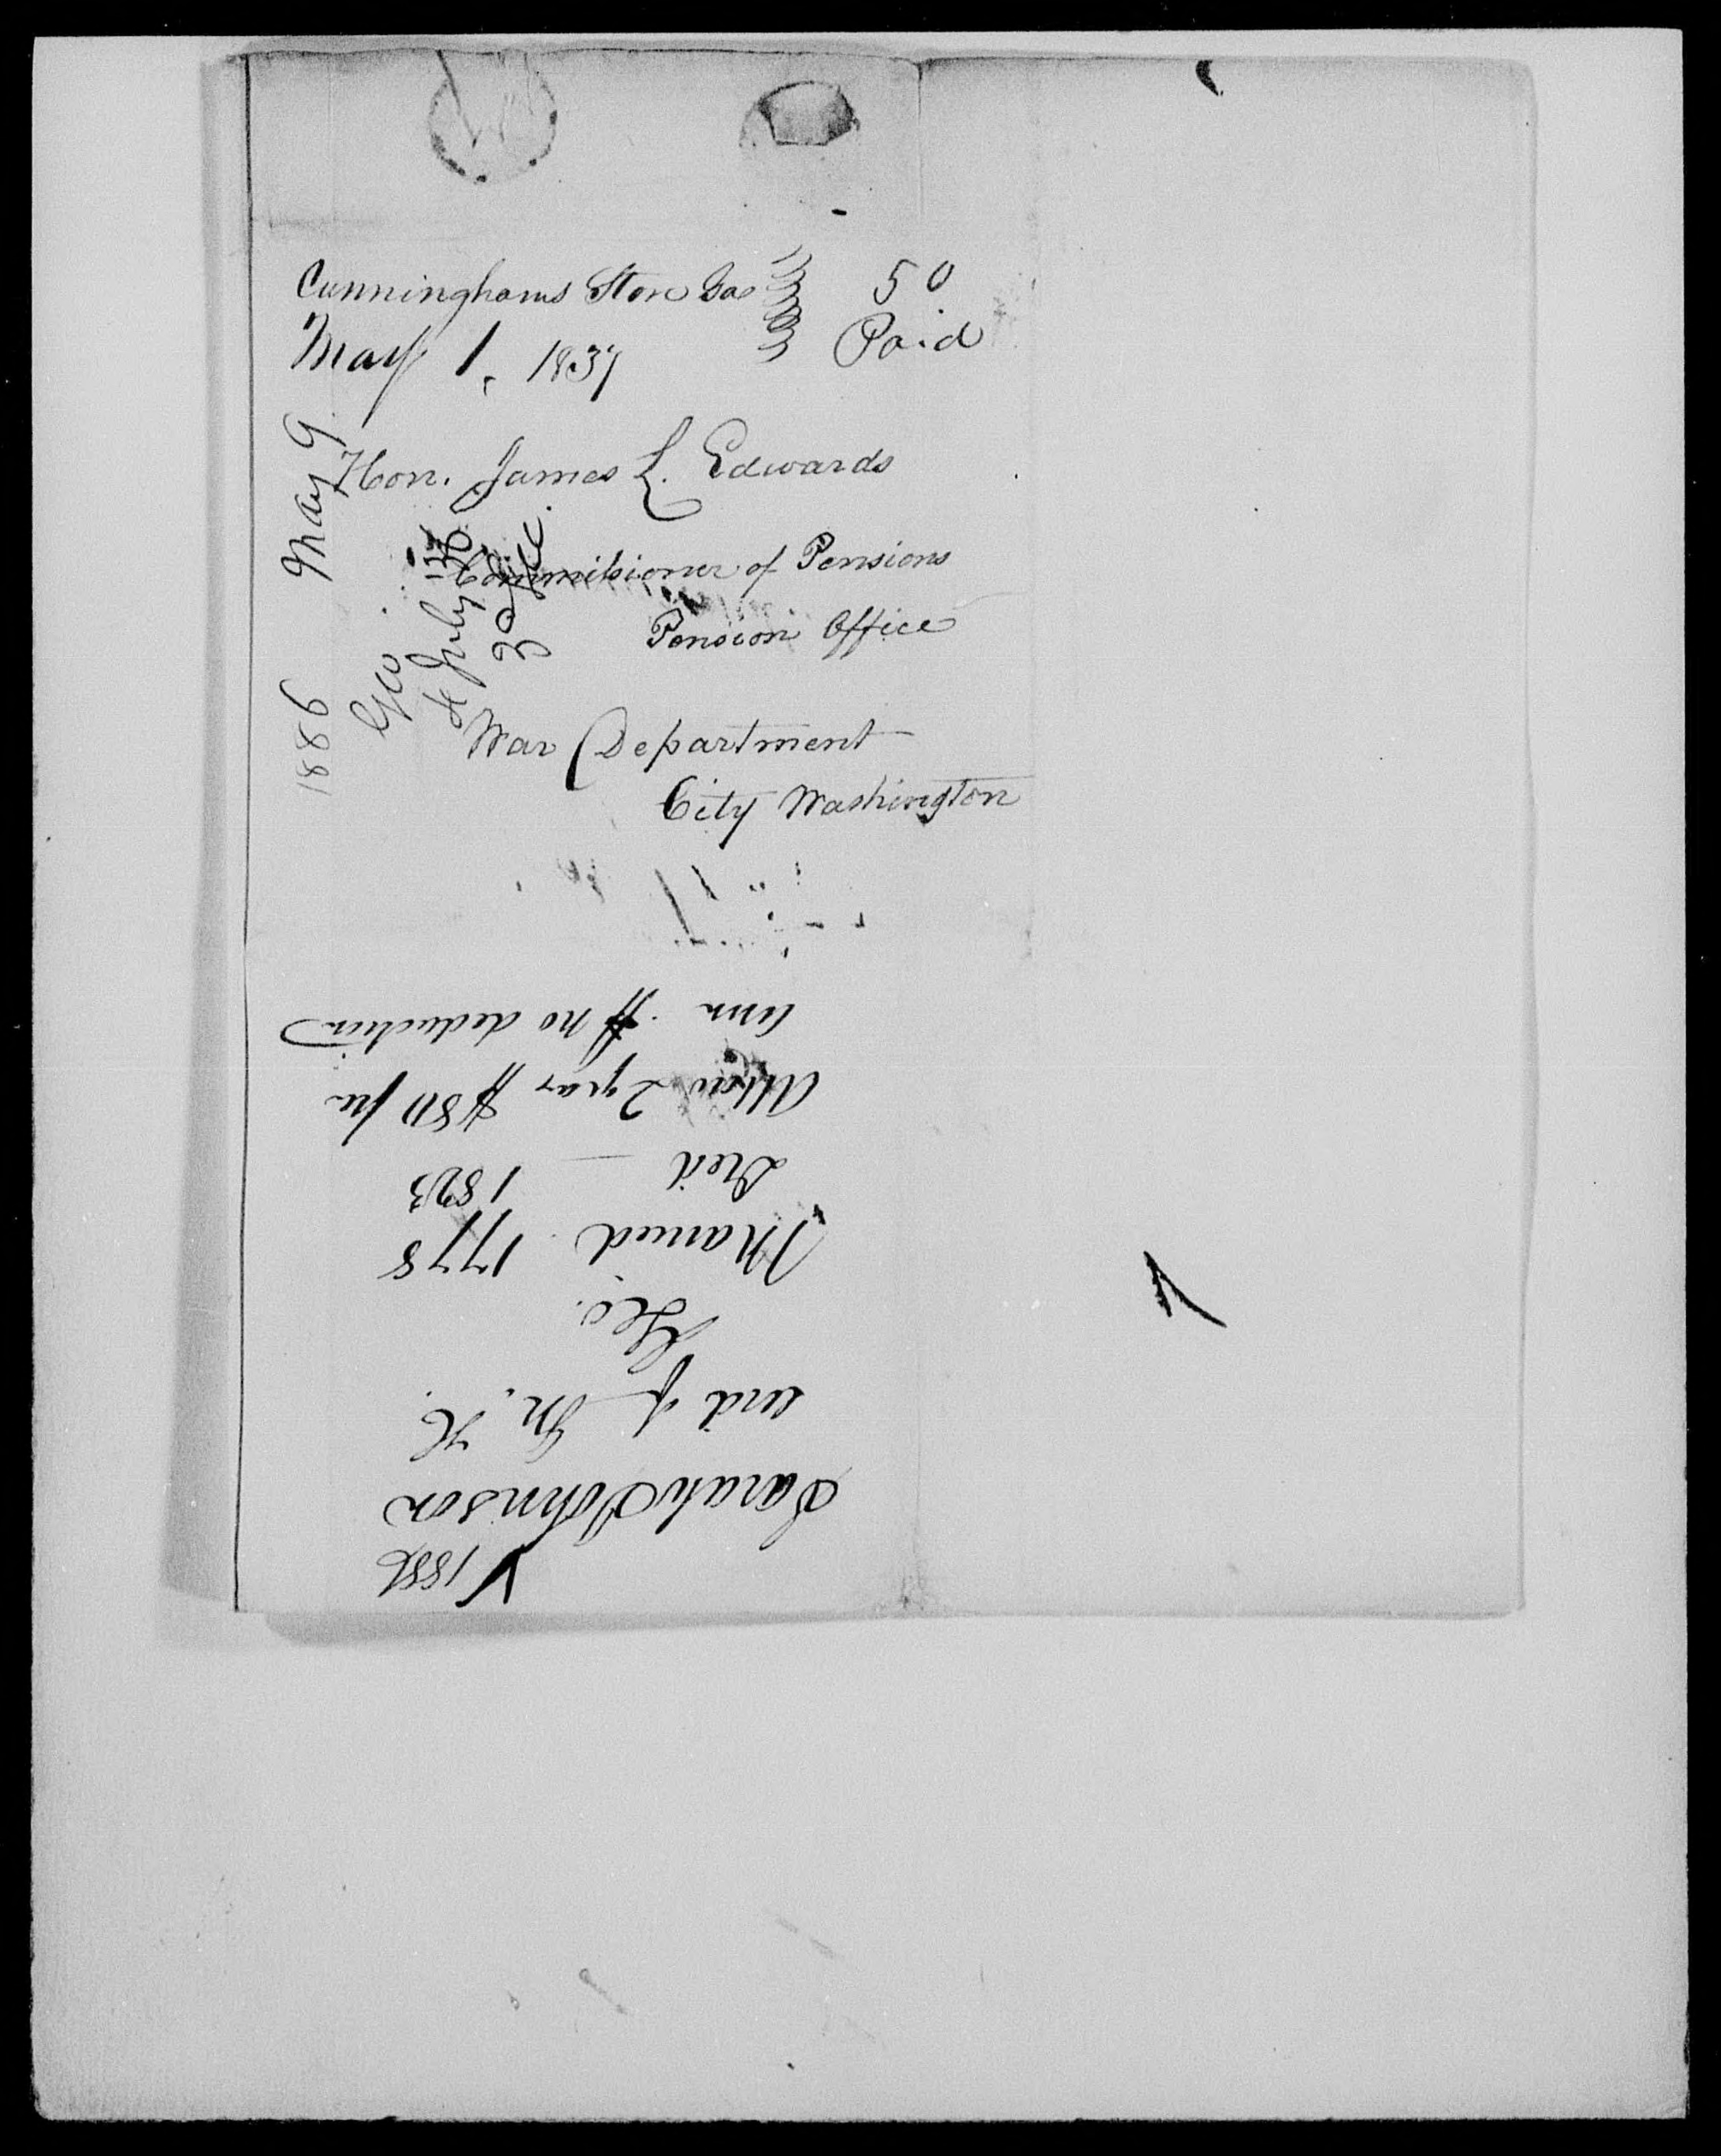[2 round stamps at top of page; illegible]

Cunninghams Store Ga. }    50
May 1, 1837 }                    Paid

1886 May 9
Geo. -
4 July '36
30


Hon. James L. Edwards
Commissioner of Pensions
Pension Office
War Department
City Washington

[rest written upside down]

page: 13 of 26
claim: widow's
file: W. 4464, for John H Johnson, Georgia